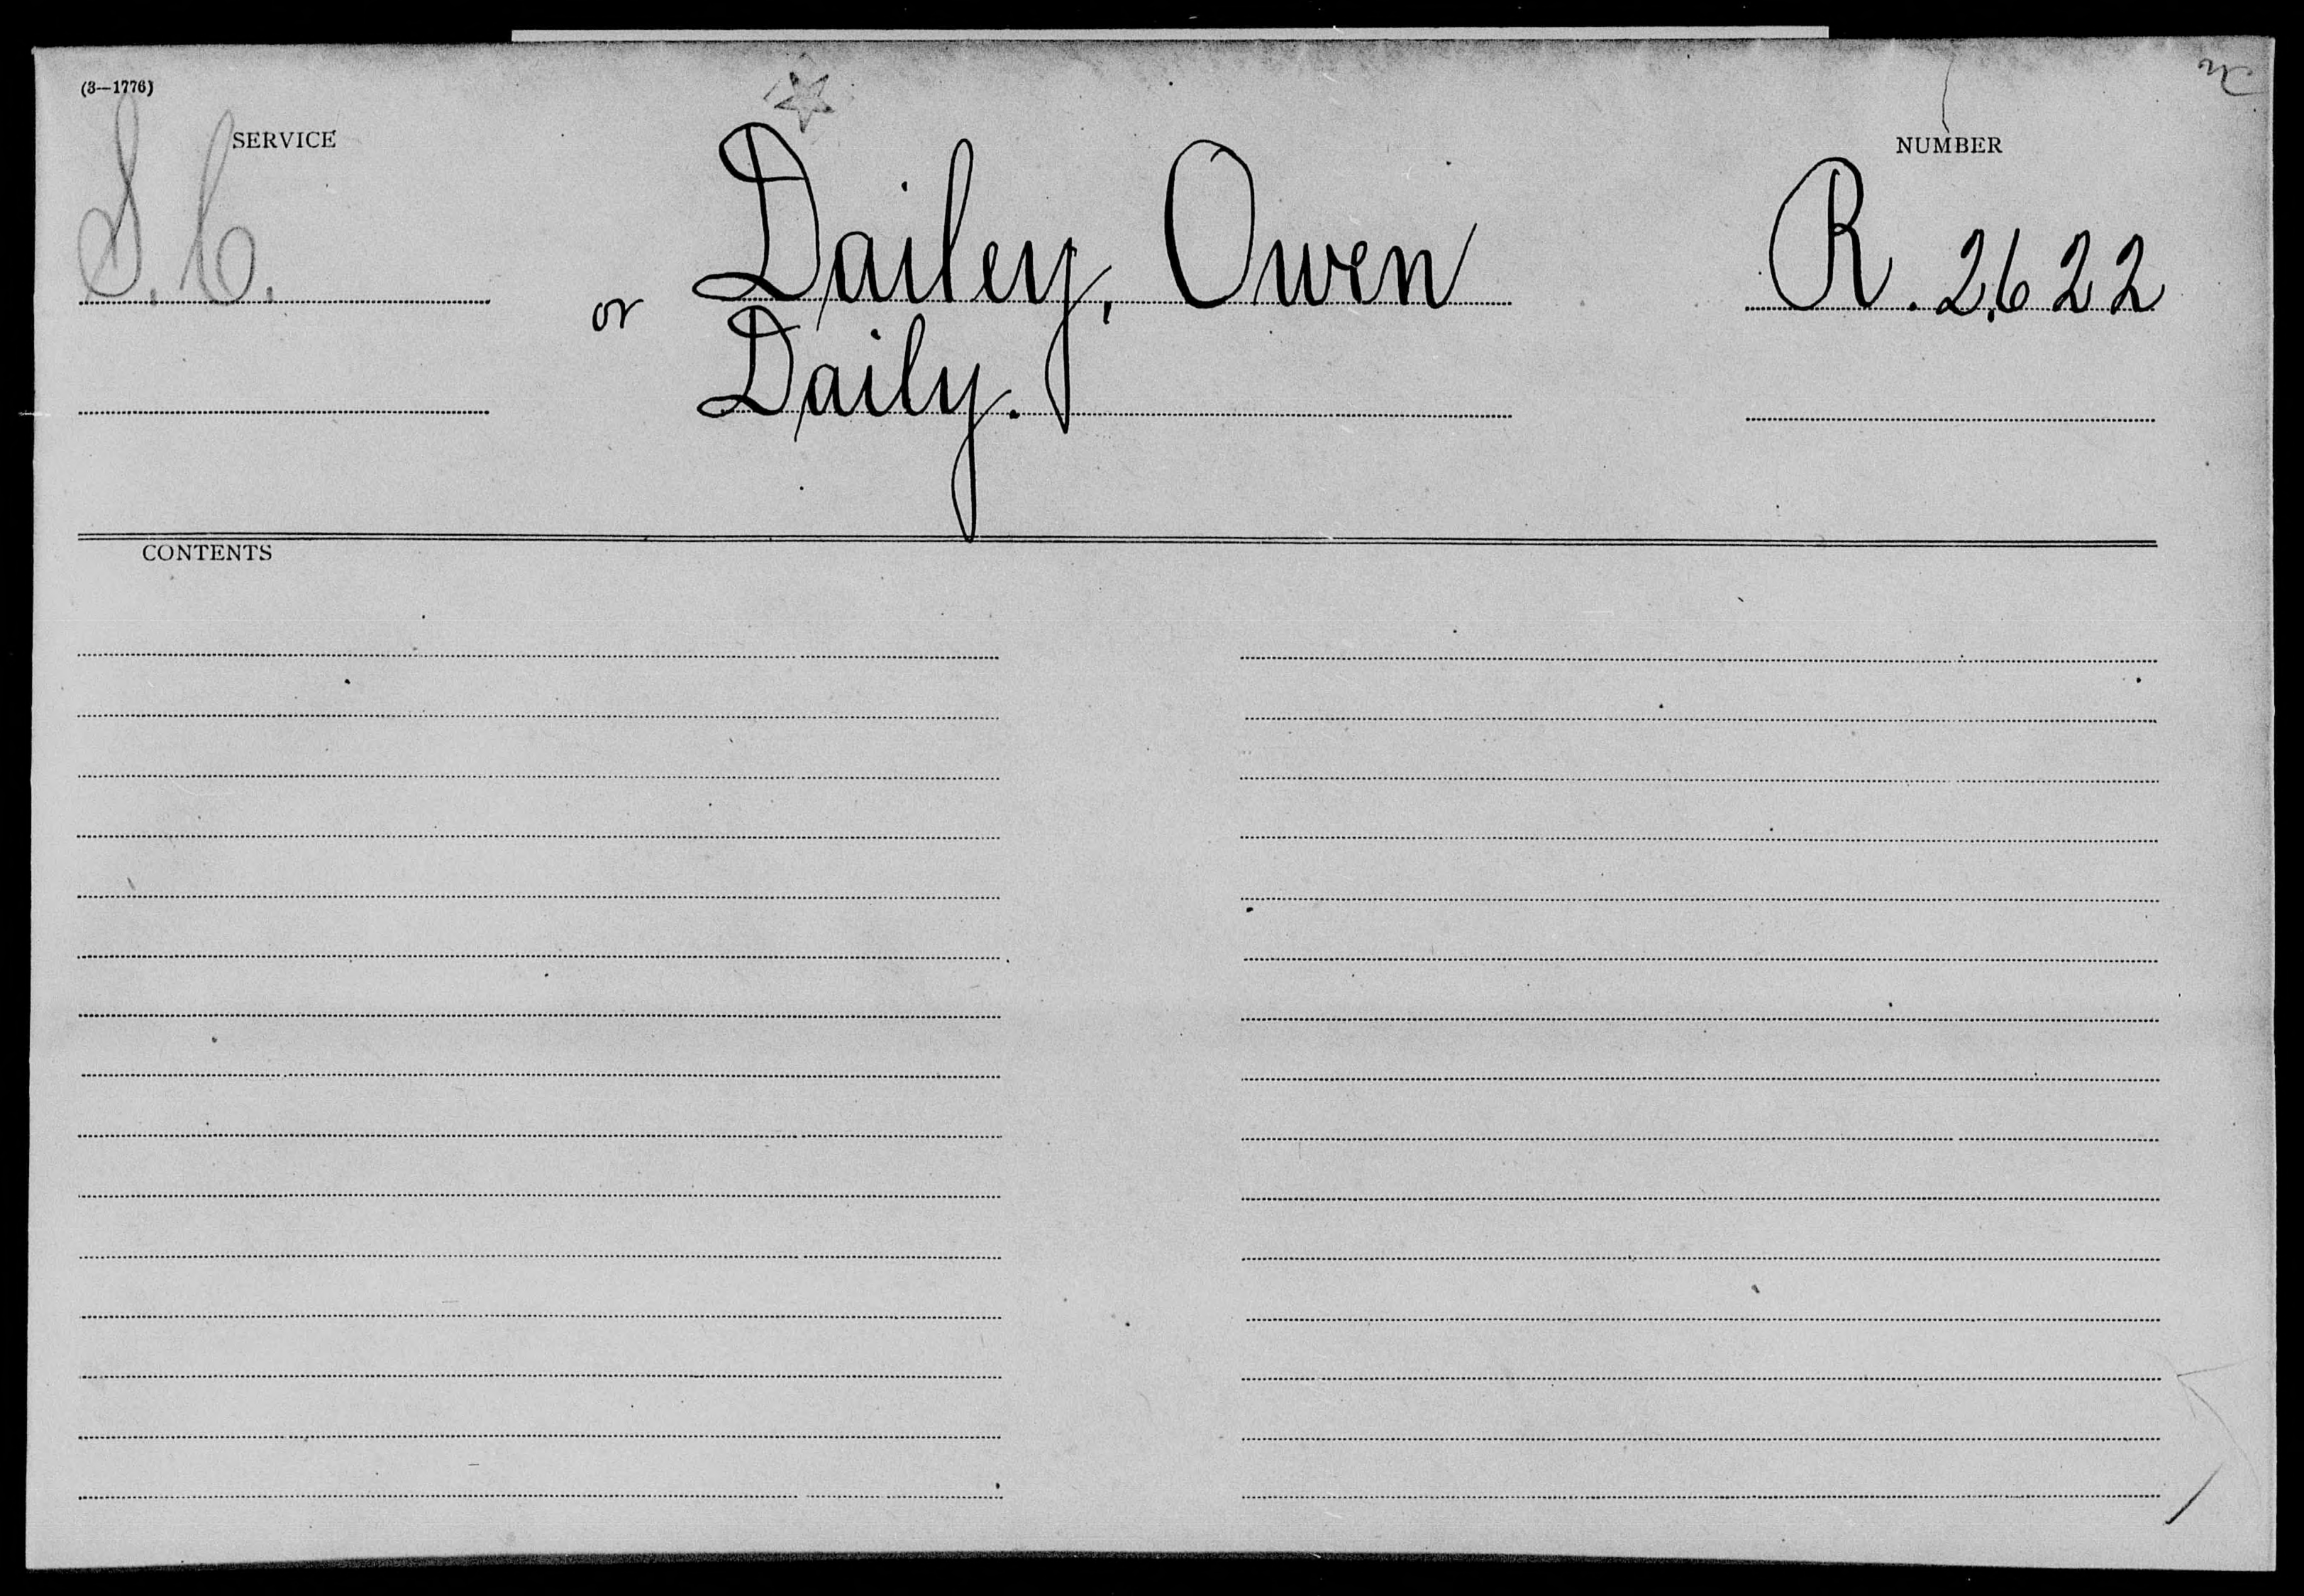(3 - 1776)
SERVICE
S. C.

Dailey, Owen
or
Daily

NUMBER
R. 2,622

CONTENTS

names: Owen Daily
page: 1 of 13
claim: rejected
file: R. 2,622, Owen Dailey, S.C.